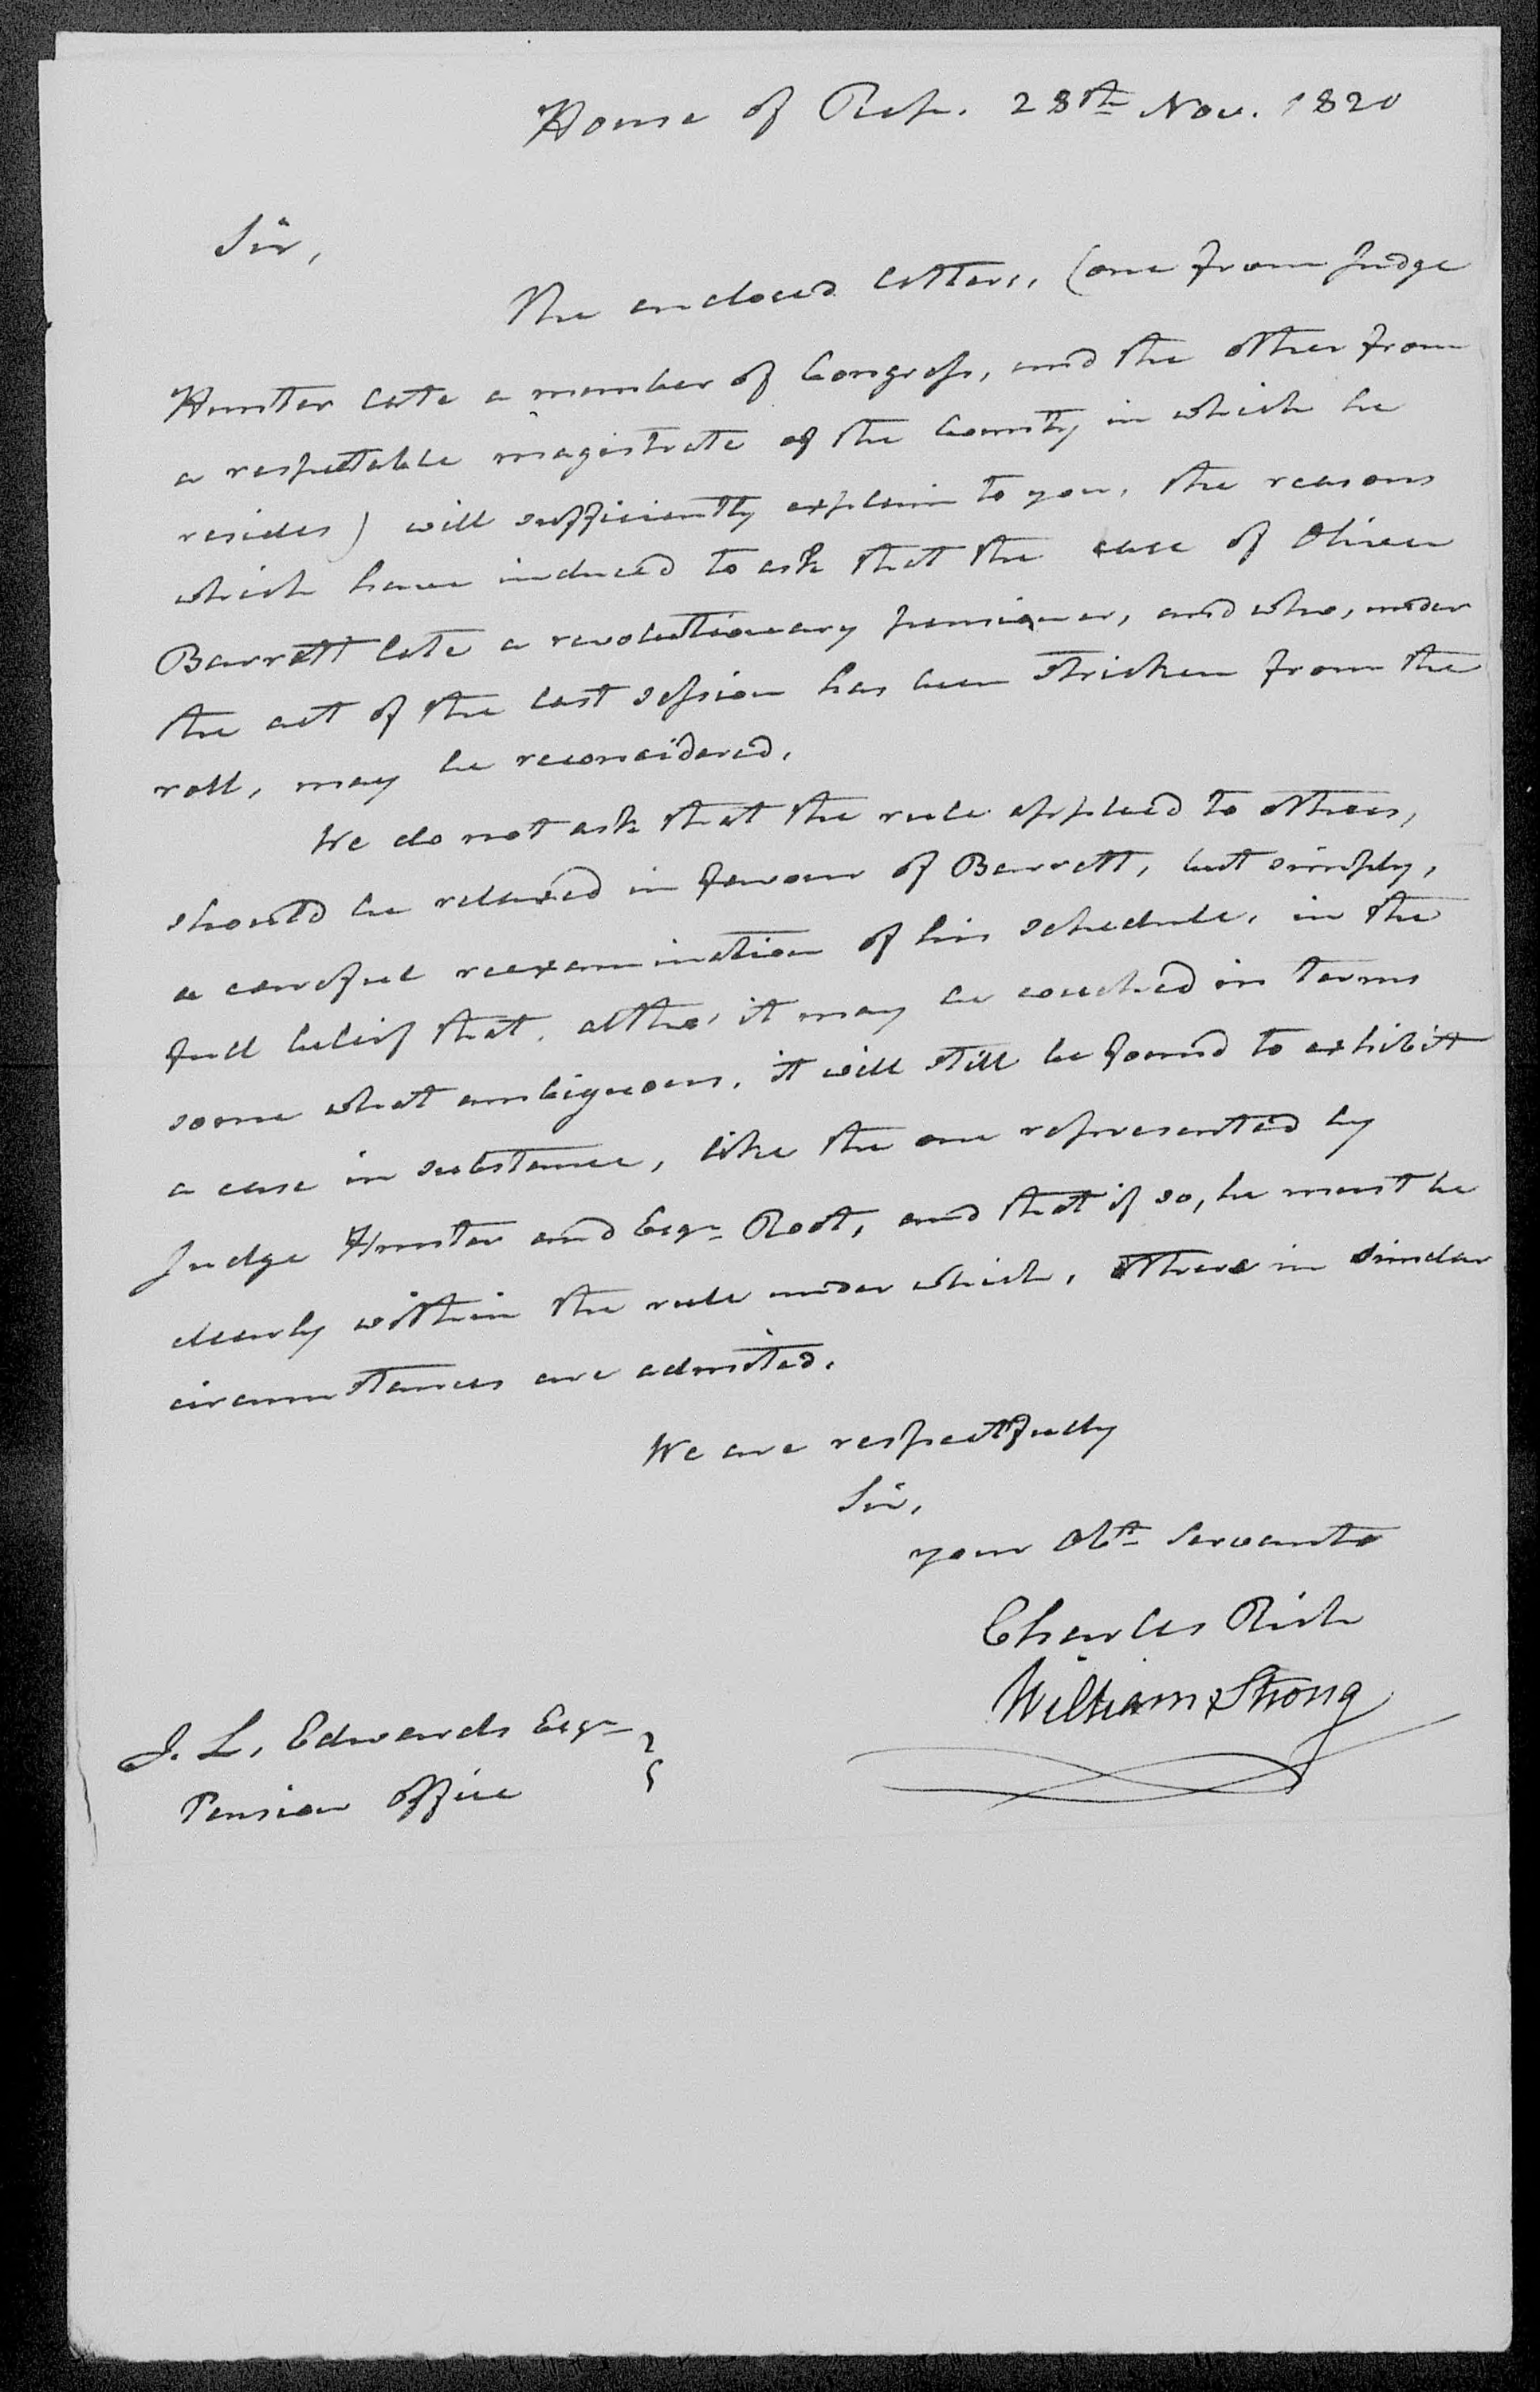House of Reps 28th Nov. 1820

Sir, 
The enclosed letters (one from Judge Hunter late a member of Congress, and the other from a respectable magistrate of the County in which he resides) will sufficiently explain to you, the reasons which have induced to ask that the case of Oliver Barrett late a revolutionary pensioner, and who, under the act of the last session as been stricken from the roll, may be reconsidered. 
We do not ask that the rule applied to others, should be released in person of Barrett, but simply, a careful reexamination of his schedule, in the full belief that, altho it may be couched in terms somewhat ambiguous, it will still be found to exhibit a case in substance, like the one represented by Judge Hunter and Geo. Root and that if so, he must be clearly within the rule under which others in similar circumstances are admitted. 
We are respectfully
Sir,
Your Obt servants
Charles Rich
William Strong

J. L. Edwards Esq. 
Pension Office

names: William Strong, Hunter, Charles Rich, J L Edwards, Oliver Barrett, Barrett, Hunter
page: 24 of 83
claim: widow's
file: W. 10,384, Oliver Barrett, Continental (Vt.) N.Y.